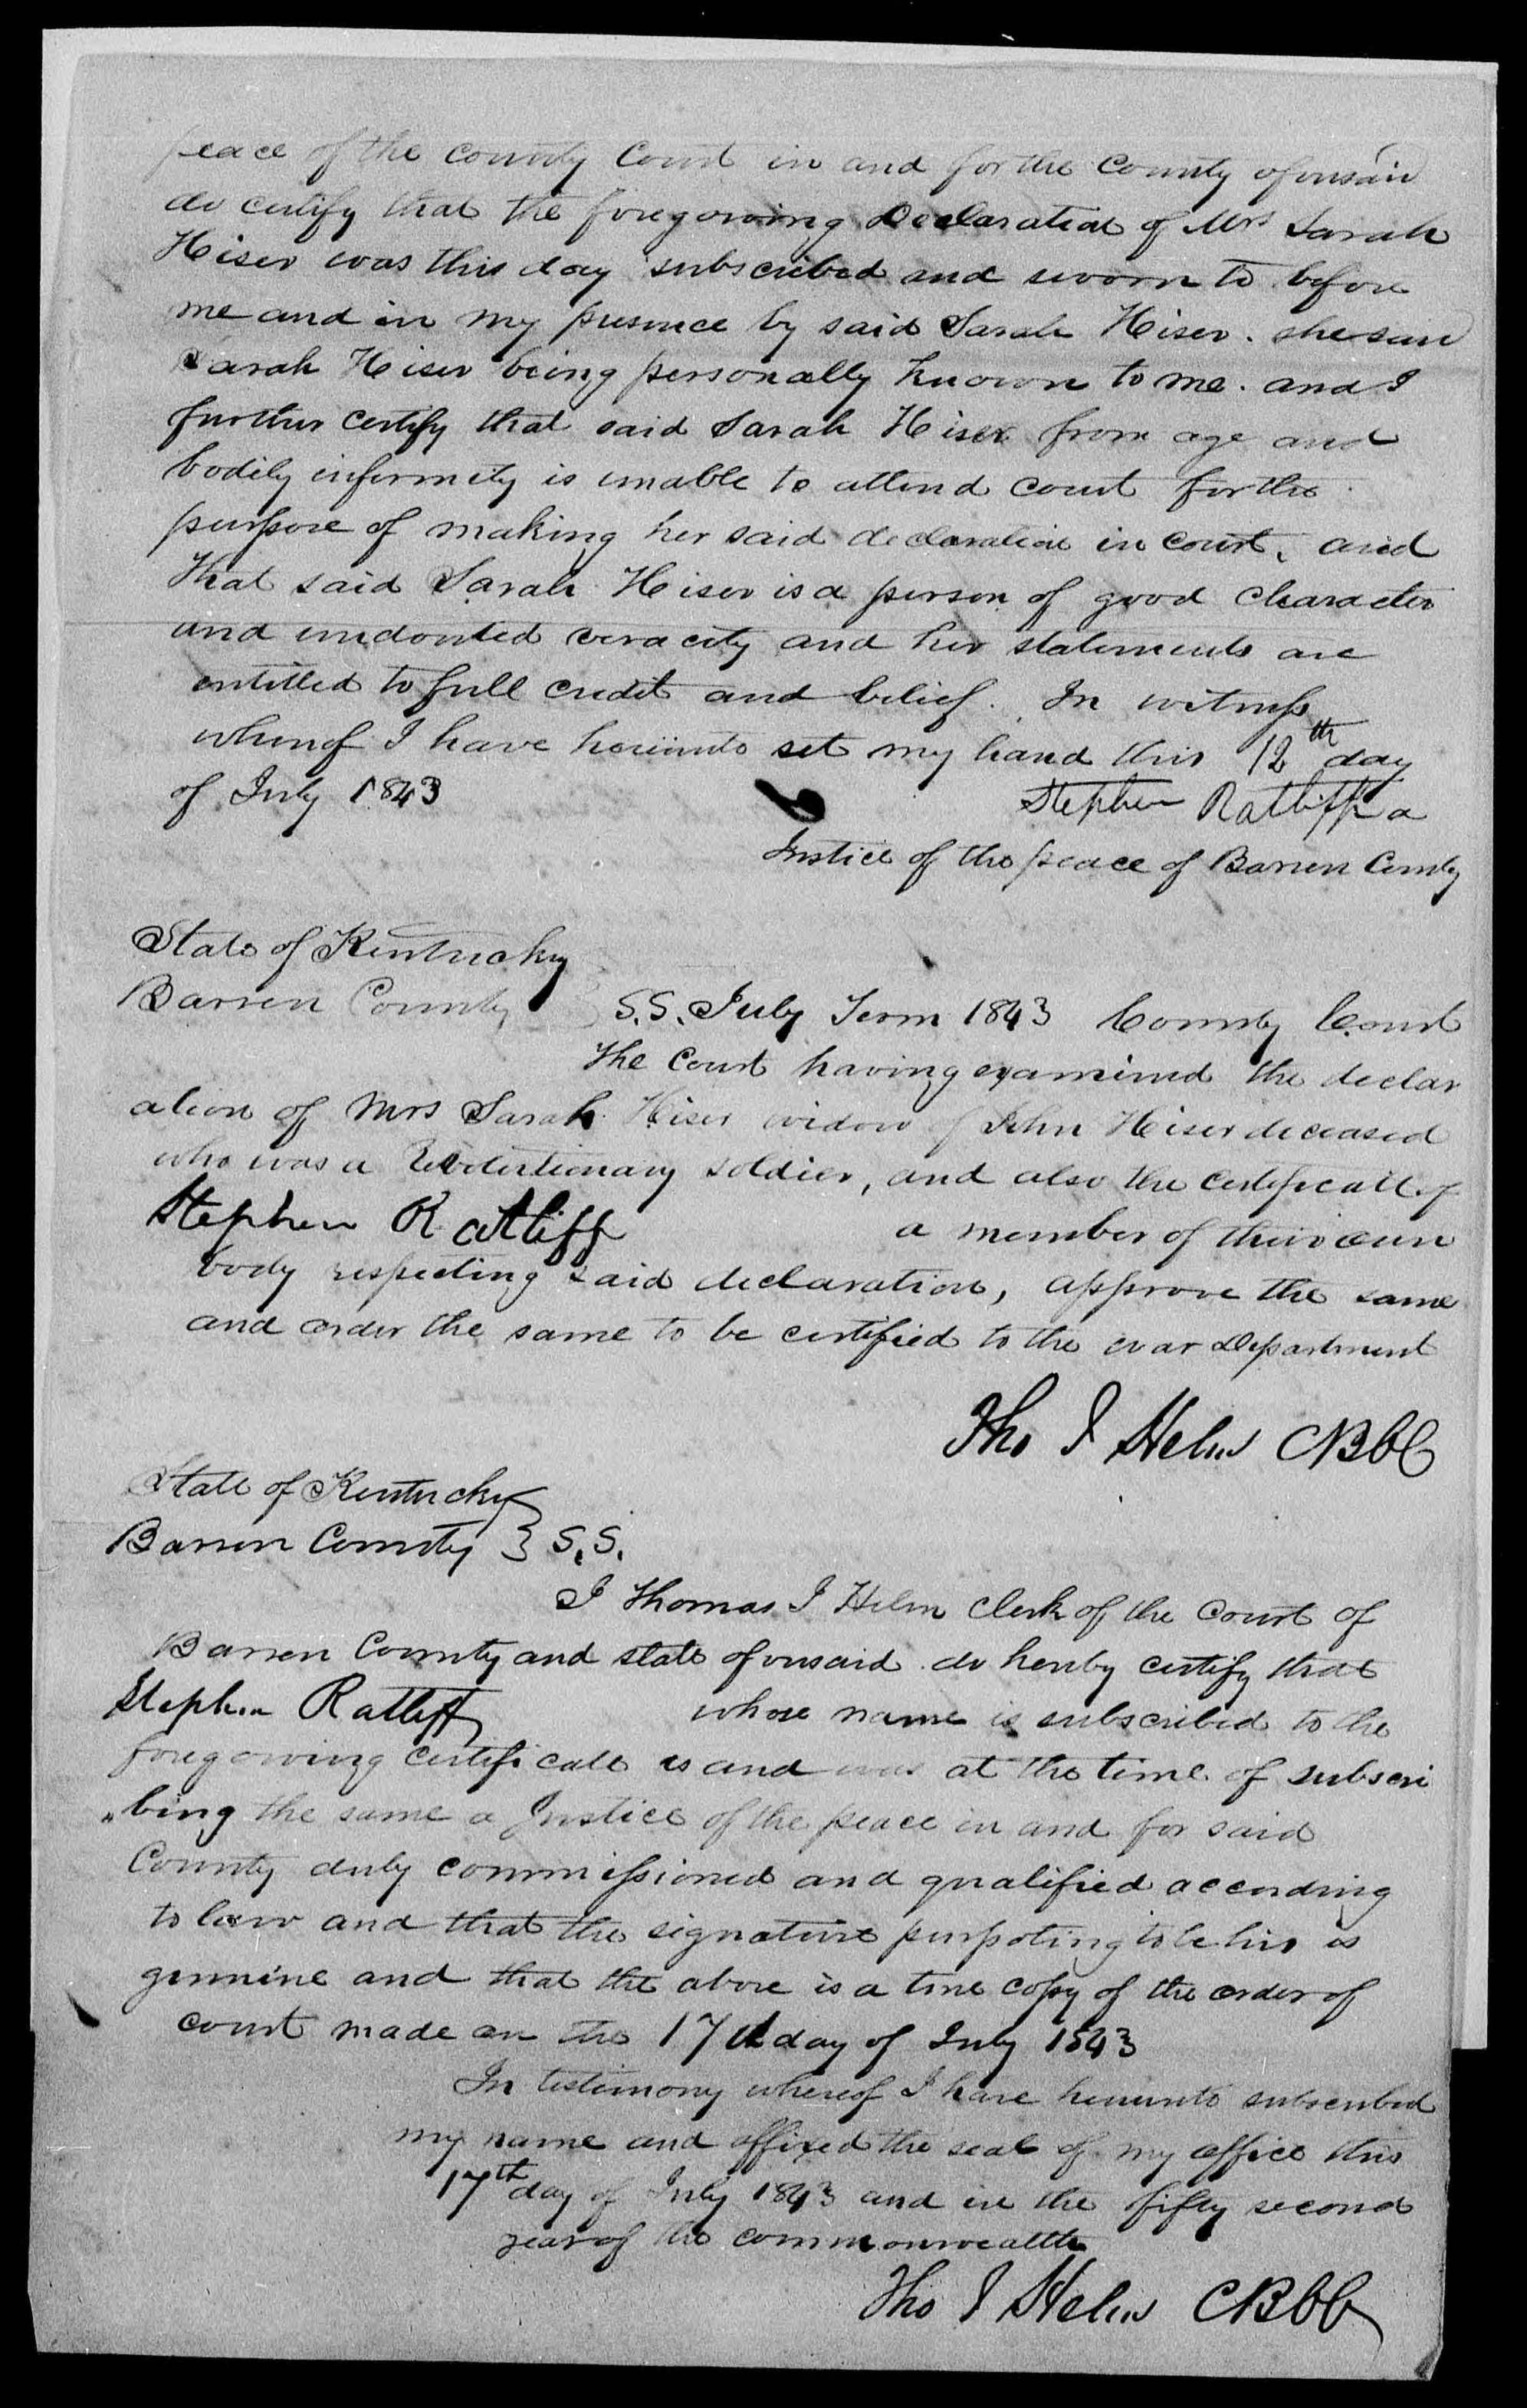peace of the county court in and for the county of Barren do certify that the foregowing Declaration of Mrs Sarah Hiser was this day subscribed and sworn to before me and in my presence by said Sarah Hiser.  the said Sarah Hiser being personally known to me and I further certify that said Sarah Hiser from age and bodily infirmity is unable to attend court for the purpose of making her said declaration in court, and that said Sarah Hiser is a person of good character and undoubted  veracity and her statements are entitled to full credit and belief.  In witness whereof I have hereunto set my hand this 12th day of July 1843
                               Stephen Ratliff a
                Justice of the peace of Barren County

State of Kentucky
Barren County SS                    July Term 1843
County Court
The Court having examined the declaration of Mrs Sarah Hiser widow of John Hiser deceased who was a Revolutionary soldier, and also the certificate of Stephen Ratliff a member of their own body respecting said declaration, approve the same and order the same to be certified to the War Department 
                            Tho J Helm BCC

State of Kentucky
Barren County S.S.
I Thomas J Helm Clerk of the Court of Barren County and state aforesaid do hereby certify that Stephen Ratliff whose name is subscribed to the foregowing certificate is and was at the time of subscribing the same a Justice of the peace in and for said County duly commissioned and qualified according to law and that the signature purporting to be his is genuine and that the above is a true copy of the order of court made on the 17th day of July 1843
In testimony whereof I have hereunto subscribed my name and affixed the seal of my office this 17th day of July 1843 and in the fifty second year of the commonwealth
                              Tho J Helm   BCC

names: Sarah Hiser, Sarah Hiser, Stephen Ratliff, Stephen Ratliff, John Hiser, Stephen Ratliff, Sarah Hiser, Sarah Hiser, Tho J Helm, Thomas J Helm, Sarah Hiser, Sarah Hiser, Tho J Helm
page: 5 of 58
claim: widow's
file: W. 8932, John Hiser, Penn.